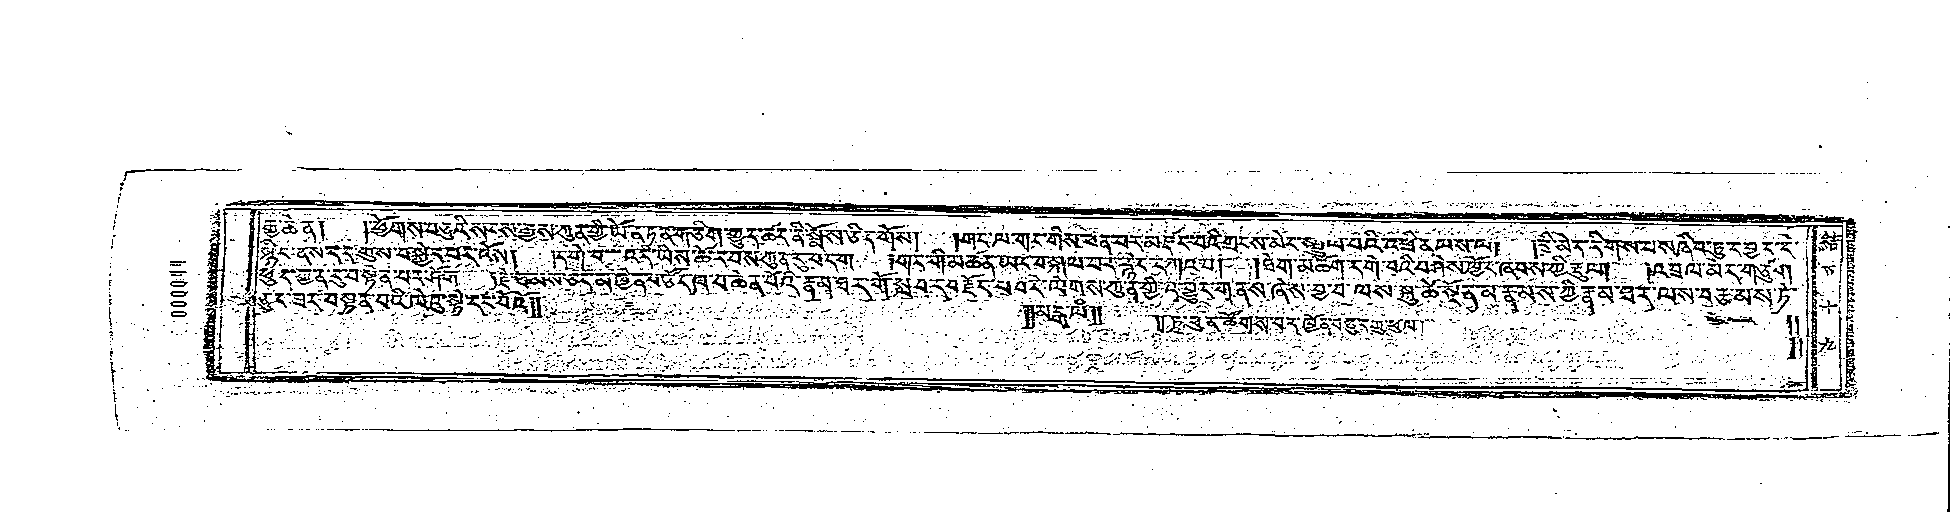རྒྱ་ཆེན། །ཕྱོགས་བཅུའི་སངས་རྒྱས་ཀུན་གྱི་ཡོན་ཏན་གཅིག་གྱུར་ཚར་ནི་སྤོས་ཅི་དགོས། །གང་ལ་གང་གིས་ཕན་བར་མཛད་པའི་གྲངས་མེད་སྤྲུལ་པའི་འཕྲིན་ལས་ལ། །དྲི་མེད་རིགས་པས་ཞིབ་ཏུ་དབྱད་དེ་
སྙིང་ནས་དད་གུས་བསྐྱེད་བར་འོས། །དགེ་བ་འདི་ཡིས་ཚེ་རབས་ཀུན་དུ་བདག །གང་གི་མཚན་ཡང་བསྐལ་པར་རྙེད་དཀའ་བ། །ཐེག་མཆོག་དགེ་བའི་བཤེས་ཁྱོད་ཞབས་ཀྱི་རྡུལ། །འབྲལ་མེད་གཙུག་
ཕུང་ཀྱང་དུ་བསྟེན་པར་ཤོག །རྗེ་ཐམས་ཅད་མཁྱེན་པ་ཙོང་ཁ་བ་ཆེན་པོའི་རྣམ་ཐར་གོ་སླ་བར་བརྗོད་པ་བདེ་ལེགས་ཀུན་གྱི་འབྱུང་གནས་ཞེས་བྱ་བ་ལས་སྐུ་ཚེ་སྔོན་མ་རྣམས་ཀྱི་རྣམ་ཐར་ལས་བརྩམས་ཏེ་
ཅུང་ཟད་བསྟན་བའི་ལེའུ་སྟེ་དང་བོའོ།། །།མངྒ་ལཾ།། །།
ཁ ༢?
ཁ ༡་༄༅། །རྗེ་ཐམས་ཅད་མཁྱེན་བ་ཙོང་ཁ་པ་ཆེན་པོའི་རྣམ་ཐར་ལས་ལེའུ་གཉིས་པ་བཞུགས་སོ། །